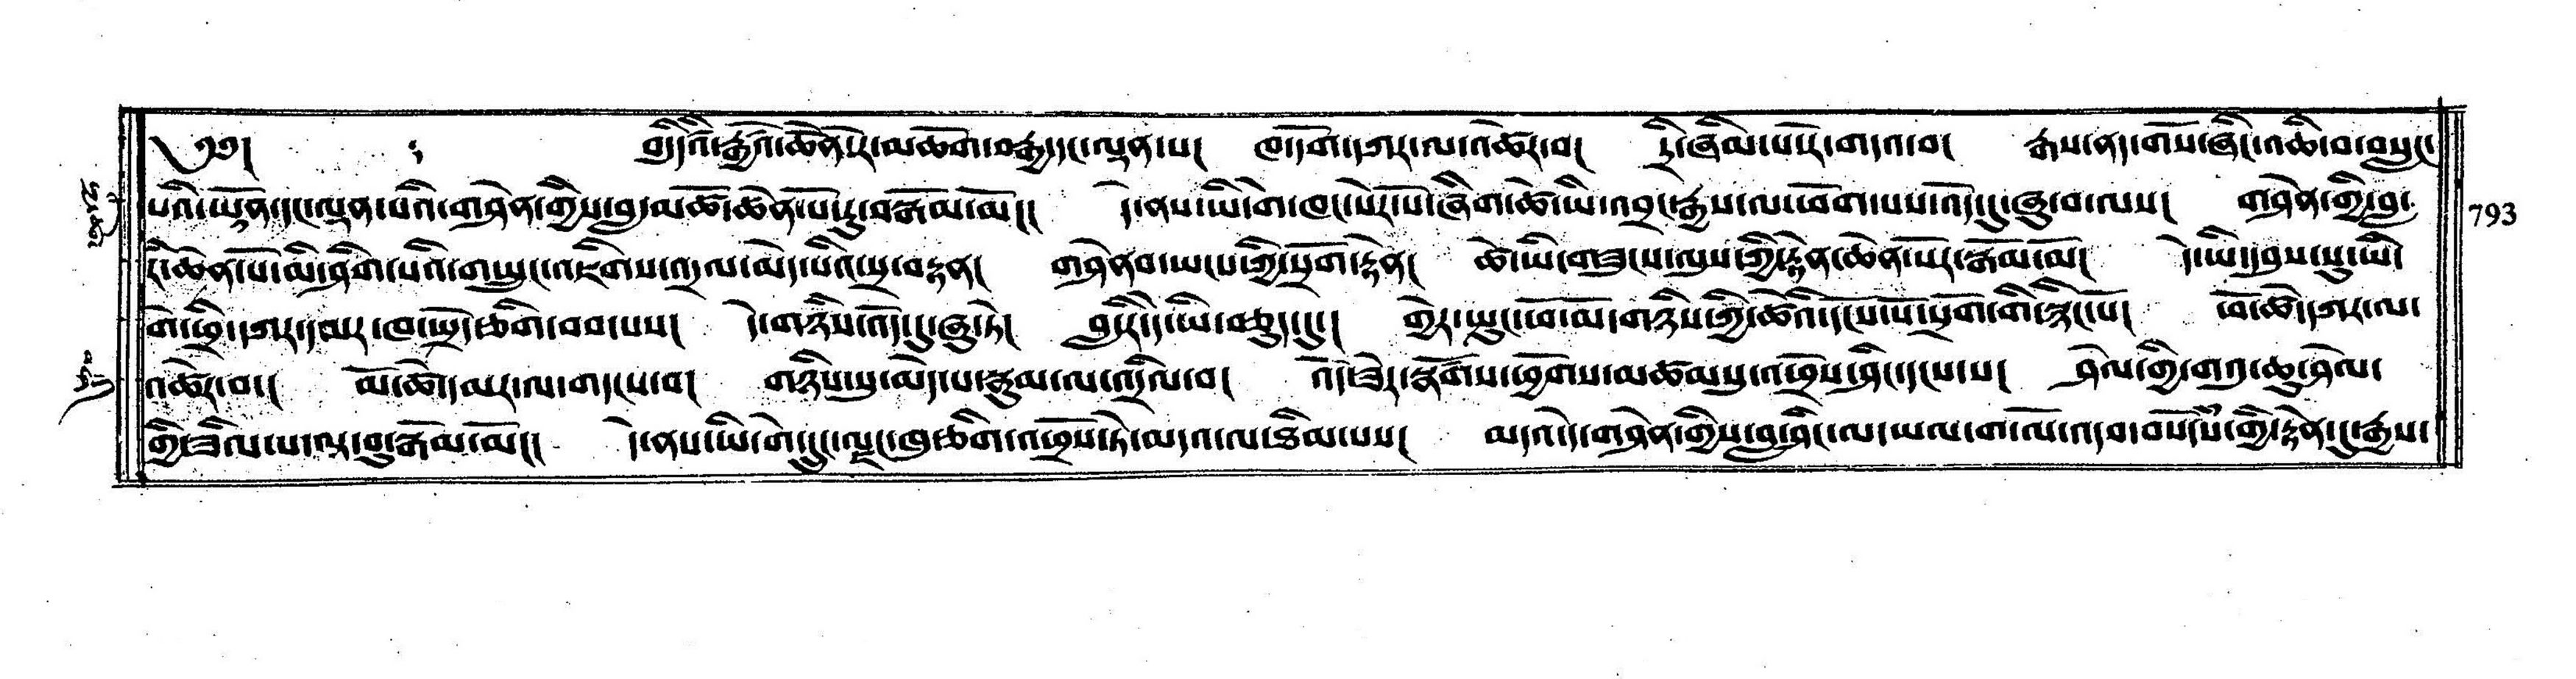བདུད་རྩིའི་རྒྱ་མཚོ་ཆེན་པོ་རོ་མཆོག་བརྒྱ་དང་ལྡན་པ། ཁ་དོག་དཀར་ལ་འཚེར་བ། དྲི་ཞིམ་པ་རོ་གདའ་བ། རྒས་ནད་གསོ་ཞིང་འཆི་བ་བསླང་
བའི་ཡོན་ཏན་དང་ལྡན་པའི་གཤེན་གྱི་བླ་མཚོ་ཆེན་པོ་རུ་བསྒོམ་མོ།། དེ་ནས་ཡི་གེ་ཁང་སེར་པོ་ཞིག་ཚེ་ཡི་འབྲང་རྒྱས་ལ་ཕོག་པས་འོད་དུ་ཞུ་བ་ལས། གཤེན་གྱི་བླ་
རི་ཆེན་པོ་མི་ཤིག་པའི་གཡུང་དྲུང་འཇིགས་འདྲལ་མེད་པའི་སྲ་བརྟན། གཤེན་རབ་ཡོངས་ཀྱི་སྲོག་རྟེན། ཚེ་ཡི་གཟུངས་ལུས་ཀྱི་རྟེན་ཆེན་པོར་སྒོམ་མོ། །དེ་ཡི་དབུས་སུ་ཡི་
གེ་ཕྲི་དཀར་དམར་ཁ་སྤྲོད་ཅིག་བབ་པས། དེ་གཉིས་འོད་དུ་ཞུ་ཏེ། བླ་རི་དེ་ཡི་བཅུད་དུ། གྱེར་སྤུངས་ཕོ་མོ་གཉིས་ཀྱི་ཚེའི་དངོས་པོ་སྲོག་གི་སྙིང་པོ། ཕོ་ཚེ་དཀར་ལ་
འཚེར་བ། མོ་ཚེ་དམར་ལ་གདངས་བ། གཉིས་སུ་མེད་པ་སྣུམ་ལ་འདྲིལ་བ། འོད་ཟེར་སྣ་ཚོགས་ཕྱོགས་མཚམས་སུ་འཕྲོས་ཤིང་དངས་པ། ཤེལ་གྱི་གའུ་ཆུ་ཤེལ་
གྱི་ཟིལ་པ་ལྟ་བུ་སྒོམ་མོ།། དེ་ནས་ཡི་གེ་དྲུང་ལྗང་ཁུ་ཅིག་འཕྲོས་ཏེ་མདའ་ལ་ཐིམ་པས། མདའ་དེ་གཤེན་གྱིས་བླ་ཤིང་ལ་ཡལ་ག་ལོ་འདབ་བསོད་ནམས་ཀྱི་རྟེན་དུ་རྒྱས་